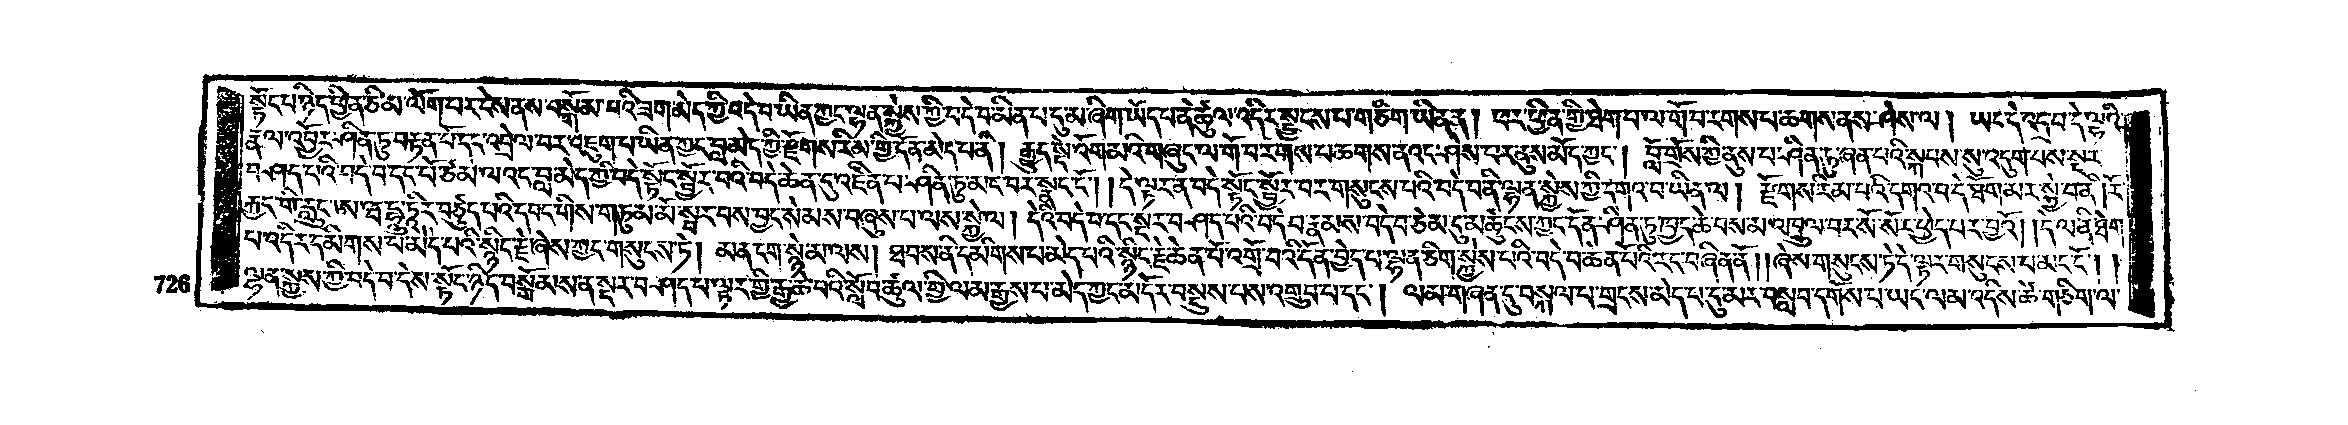སྟོང་པ་ཉིད་ཕྱིན་ཅི་མ་ལོག་པར་ངེས་ནས་བསྒོམ་པའི་ཟག་མེད་ཀྱི་བདེ་བ་ཡིན་ཀྱང་ལྷན་སྐྱེས་ཀྱི་བདེ་བ་མིན་པ་དུ་མ་ཞིག་ཡོད་པ་ནི་ཚུལ་འདིར་སྦྱངས་པ་གཅིག་ཡིན་ན། ཕར་ཕྱིན་གྱི་ཐེག་པ་ལ་གོ་བ་རགས་པ་ཆགས་ནས་ཤེས་ལ། ཡང་དེ་འདྲ་བ་དེ་ལྷའི་
རྣལ་འབྱོར་ཤིན་ཏུ་བརྟན་པོ་དང་འབྲེལ་བར་འཇུག་པ་ཡིན་ཀྱང་བླ་མེད་ཀྱི་རྫོགས་རིམ་གྱི་དོན་མེད་པ་ནི། རྒྱུད་སྡེ་འོག་མའི་གཞུང་ལ་གོ་བ་རགས་པ་ཆགས་ནའང་ཤེས་པར་ནུས་མོད་ཀྱང་། བློ་གྲོས་ཀྱི་ནུས་པ་ཤིན་ཏུ་ཞན་པའི་སྐབས་སུ་འདུག་པས་སྔར་
བཤད་པའི་བདེ་བ་དང་པོ་ཙམ་ལའང་བླ་མེད་ཀྱི་བདེ་སྟོང་སྦྱོར་བའི་བདེ་ཆེན་དུ་འཛིན་པ་ཤིན་ཏུ་མང་བར་སྣང་ངོ། །དེ་ལྟར་ན་བདེ་སྟོང་སྦྱོར་བར་གསུངས་པའི་བདེ་བ་ནི་ལྷན་སྐྱེས་ཀྱི་དགའ་བ་ཡིན་ལ། རྫོགས་རིམ་པའི་དགའ་བ་དེ་ཐོག་མར་སྐྱེ་བ་ནི། རོ་
རྐྱང་གི་རླུང་ཨ་ཝ་དྷཱུ་ཏཱིར་བཙུད་པའི་དབང་གིས་གཏུམ་མོ་སྦར་བས་བྱང་སེམས་བཞུས་པ་ལས་སྐྱེ་ལ། དེའི་བདེ་བ་དང་སྔར་བཤད་པའི་བདེ་བ་རྣམས་བདེ་བ་ཙམ་དུ་མཚུངས་ཀྱང་དོན་ཤིན་ཏུ་ཁྱད་ཆེ་བས་མ་འཁྲུལ་བར་སོ་སོར་ཕྱེད་པར་བྱའོ། །དེ་ལ་ནི་ཐེག་
པ་འདིར་དམིགས་པ་མེད་པའི་སྙིང་རྗེ་ཞེས་ཀྱང་གསུངས་ཏེ། མན་ངག་སྙེ་མ་ལས། ཐབས་ནི་དམིགས་པ་མེད་པའི་སྙིང་རྗེ་ཆེན་པོ་འགྲོ་བའི་དོན་བྱེད་པ་ལྷན་ཅིག་སྐྱེས་པའི་བདེ་བ་ཆེན་པོའི་རང་བཞིན་ནོ། །ཞེས་གསུངས་ཏེ་དེ་ལྟར་གསུངས་པ་མང་ངོ། །
ལྷན་སྐྱེས་ཀྱི་བདེ་བ་དེས་སྟོང་ཉིད་བསྒོམས་ན་སྔར་བཤད་པ་ལྟར་གྱི་རྒྱ་ཆེ་བའི་སློབ་ཚུལ་གྱི་ལམ་རྒྱས་པ་མེད་ཀྱང་མདོར་བསྡུས་པས་འགྲུབ་པ་དང་། ལམ་གཞན་དུ་བསྐལ་པ་གྲངས་མེད་པ་དུ་མར་བསླབ་དགོས་པ་ཡང་ལམ་འདིས་ཚེ་གཅིག་ལ་